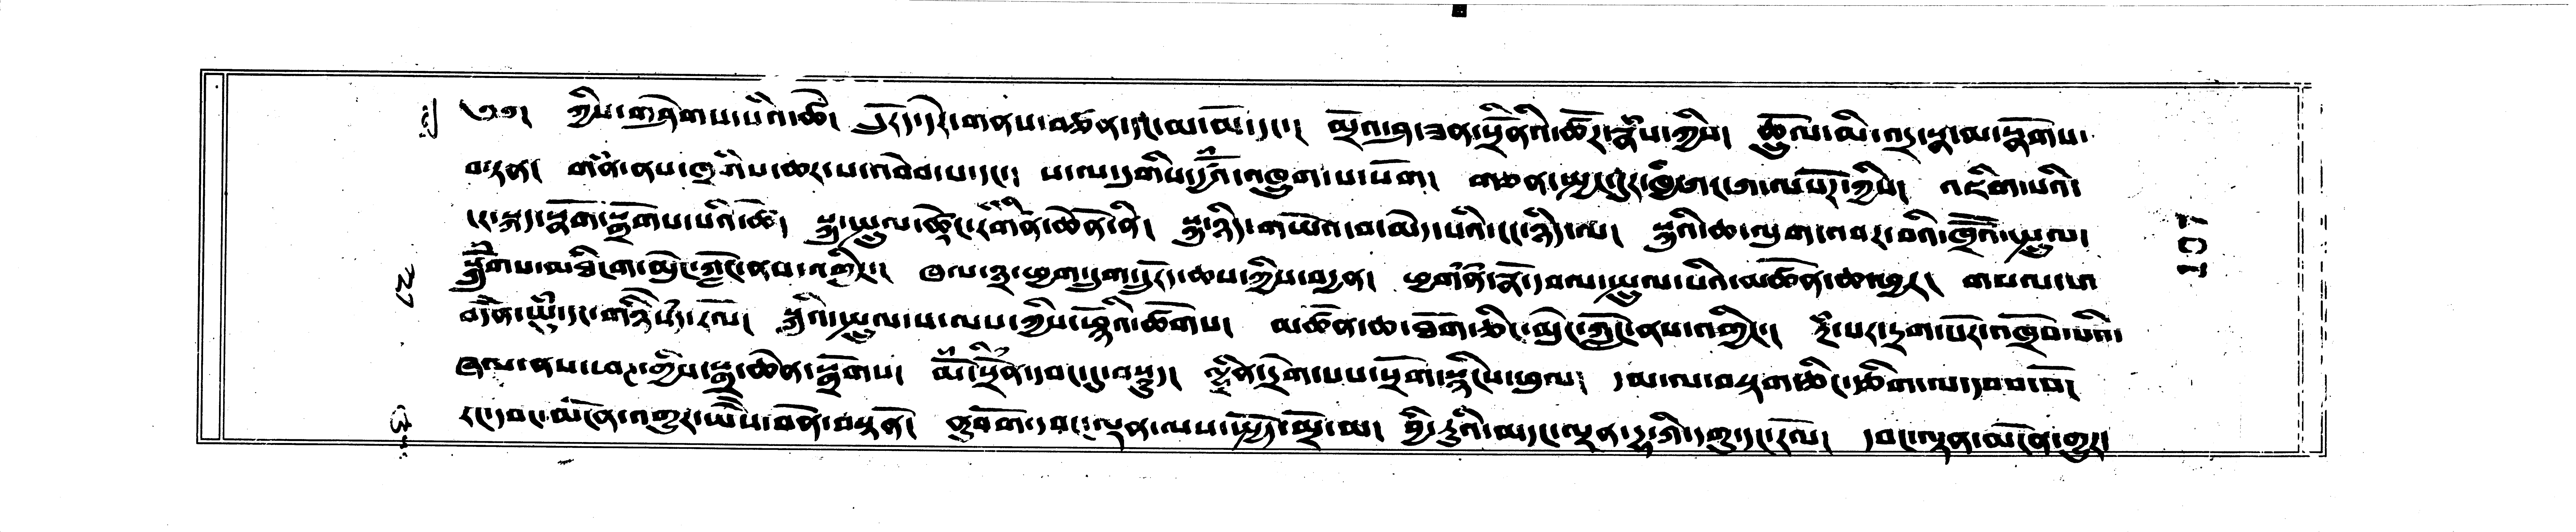ཀྱིས་གཤེགས་པའི་ཚེ། དུར་ཁྲོད་དེར་གནས་མཚན་དང་མ་མོ་དང་། མཁའ་འགྲོ་ཤ་ཟན་སྲིན་མོའི་ཚོགས་རྣམས་ཀྱིས། ཆོ་འཕྲུལ་མི་འདྲ་སྣ་མ་སྣ་ཚོགས་
བསྟན། གནམ་ནས་ཁྲག་གི་ཆར་པ་འབེབས་པ་དང་། ས་ལ་དུག་གི་རྒྱ་མཚོ་འཁྲུག་པ་སོགས། གཅན་སྤྱང་དུར་བྱ་ཀང་ཀ་ལ་སོགས་ཀྱིས། འཇིགས་པའི་
ངར་སྐད་སྣ་ཚོགས་སྒྲོག་པའི་ཚེ། སྐུ་སྤྲུལ་ཚེ་དབང་རིག་འཛིན་ཆེན་པོ་ནི། སྐུ་ཉིད་གཡོ་བ་མེད་པའི་ངང་ཉིད་ལ། སྐུའི་ཆ་ལུགས་འབར་བའི་ཁྲོ་བོ་སྤྲུལ།
སྐུ་མདོག་མཐིང་ནག་མེ་དཔུང་ཀློང་ནས་འགྱིང་། ཞལ་གསུམ་ཕྱག་དྲུག་དུར་ཁྲོད་ཆས་ཀྱིས་བརྒྱན། ཕྱག་མཚན་རྣོ་དབལ་སྤྲུལ་པའི་མཚོན་ཆ་ཕྱར། གསལ་བ་
བདེ་ཆེན་ཡུམ་དང་གཉིས་མེད་རོལ། སྐུའི་སྤྲུལ་པ་ལས་ཀྱི་ཕོ་ཉའི་ཚོགས། མཚོན་ཆ་ཐོགས་ཤིང་མེ་དཔུང་ཀློང་ནས་འགྱིང་། རྔམ་པར་དྲག་པོ་འཁྲོས་པའི་
ཞལ་ནས་ཕཊཿཀྱི་སྒྲ་ཆེན་སྒྲོགས། མ་མོ་སྲིན་མོ་དབང་དུ་བསྡུད། ལྷ་སྲིན་དྲེགས་པས་སྲོག་སྙིང་ཕུལ། དམ་ལ་བཏགས་ཤིང་གཙིགས་ལ་དབབ་བོ། 
རང་དབང་མངོན་གྱུར་ཡེ་ཤེས་བོན་བསྟན་ནོ། ནུབ་ཕྱོགས་དབང་ལྡན་ལས་སྤྱོད་མཁའ་འགྲོ་མ། བྱི་རུའི་མདངས་ལྡན་དྷ་ཀི་དགུ་དང་རོལ། དབང་ལྡན་མངོན་གྱུར་